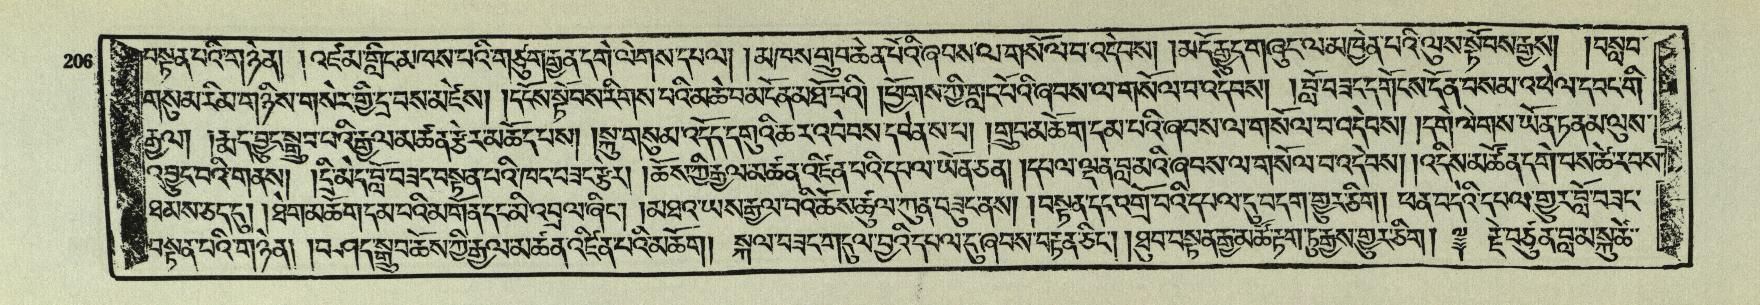བསྟན་པའི་གཉེན། །འཛམ་གླིང་མཁས་པའི་གཙུག་རྒྱན་དགེ་ལེགས་དཔལ། །མཁས་གྲུབ་ཆེན་པོའི་ཞབས་ལ་གསོལ་བ་འདེབས། །མདོ་རྒྱུད་གཞུང་ལ་མཁྱེན་པའི་ལུས་སྟོབས་རྒྱས། །བསླབ་
གསུམ་རིམ་གཉིས་གསེར་གྱི་དྲ་བས་མཛེས། །དངོས་སྟོབས་རིགས་པའི་མཆེ་བ་མངོན་མཐོ་བའི། །ཕྱོགས་ཀྱི་གླང་པོའི་ཞབས་ལ་གསོལ་བ་འདེབས། །བློ་བཟང་དགོངས་དོན་བསམ་འཕེལ་དབང་གི་
རྒྱལ། །རྨད་བྱུང་སྒྲུབ་པའི་རྒྱལ་མཚན་རྩེར་མཆོད་པས། །སྐུ་གསུམ་འདོད་དགུའི་ཆར་འབེབས་དབེན་ས་པ། །གྲུབ་མཆོག་དམ་པའི་ཞབས་ལ་གསོལ་བ་འདེབས། །དགེ་ལེགས་ཡོན་ཏན་མ་ལུས་
འབྱུང་བའི་གནས། །དྲི་མེད་བློ་བཟང་བསྟན་པའི་ཁང་བཟང་རྩེར། །ཆོས་ཀྱི་རྒྱལ་མཚན་འཛིན་པའི་དཔལ་ཡོན་ཅན། །དཔལ་ལྡན་བླ་མའི་ཞབས་ལ་གསོལ་བ་འདེབས། །འདིས་མཚོན་དགེ་བས་ཚེ་རབས་
ཐམས་ཅད་དུ། །ཐེག་མཆོག་དམ་པའི་མགོན་དང་མི་འབྲལ་ཞིང་། །མཐའ་ཡས་རྒྱལ་བའི་ཆོས་ཚུལ་ཀུན་བཟུང་ནས། །བསྟན་དང་འགྲོ་བའི་དཔལ་དུ་བདག་གྱུར་ཅིག། ཕན་བདེའི་དཔལ་གྱུར་བློ་བཟང་
བསྟན་པའི་གཉེན། །བཤད་སྒྲུབ་ཆོས་ཀྱི་རྒྱལ་མཚན་འཛིན་པའི་མཆོག། སྐལ་བཟང་གདུལ་བྱའི་དཔལ་དུ་ཞབས་བརྟན་ཅིང་། །ཐུབ་བསྟན་རྒྱ་མཚོ་རྟག་ཏུ་རྒྱས་གྱུར་ཅིག། འ་རྗེ་བཙུན་བླ་མ་སྐུ་ཚེ་